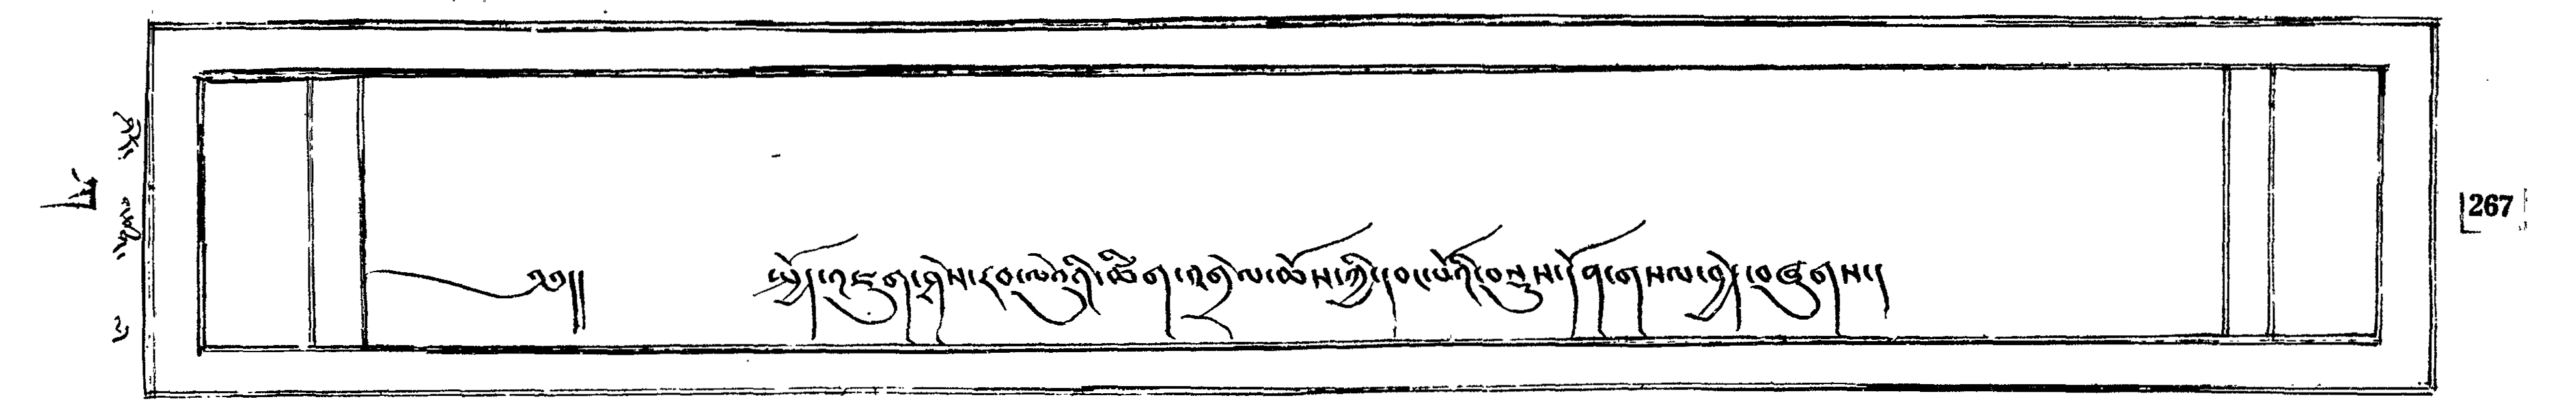སྤྱོད་འཇུག་ཤེས་རབ་ལེའུའི་ཚིག་འགྲེལ་ཆོས་ཀྱི་དབང་པོའི་བསྡུས་དོན་གསལ་བྱེད་བཞུགས།།